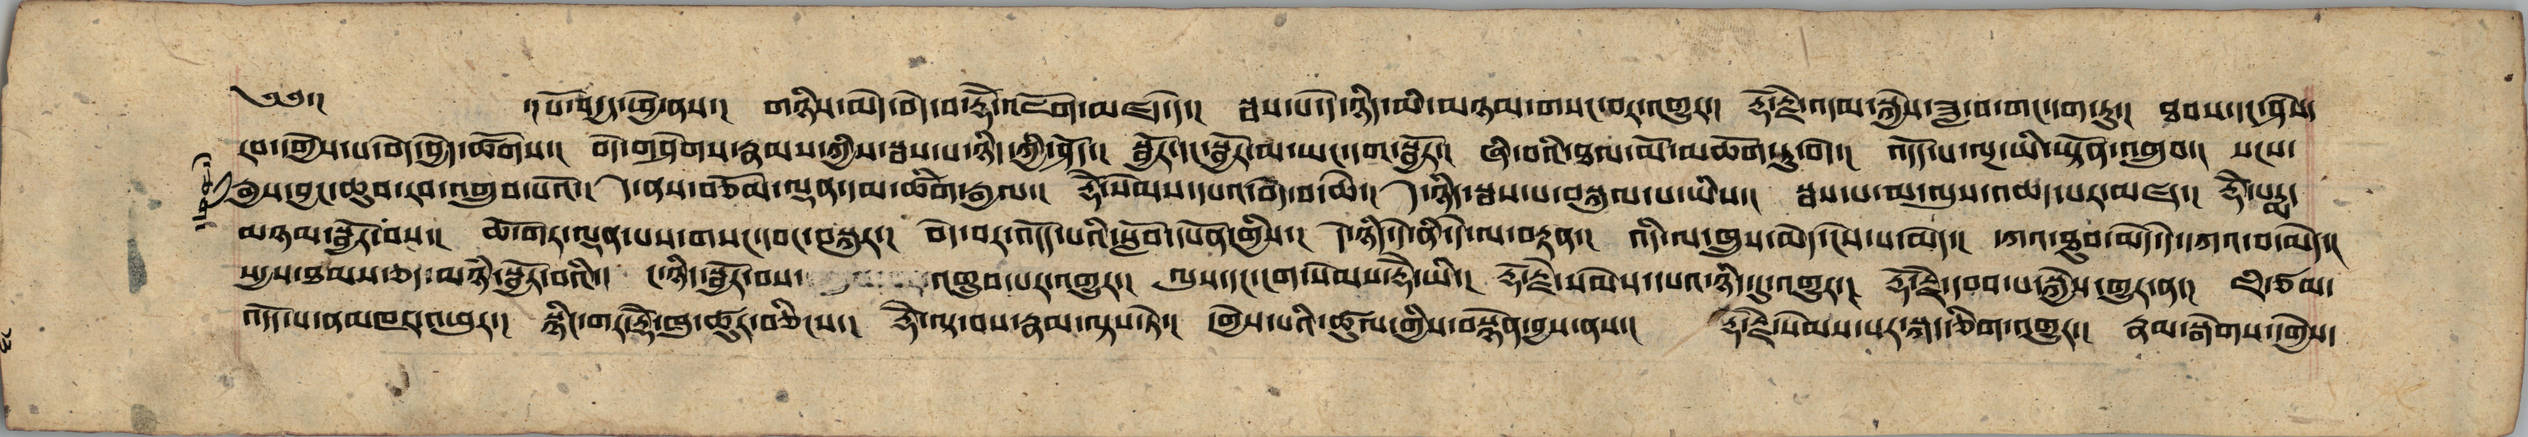༄༅་། ་།པོ་བདྱད་ཕྱེ་ནས་། གཉིས་མེད་བདེ་བ་རྡོེ་འཇོག་མཛད་དེ་། སྦས་པ་དེ་ཉིད་མི་མཉམ་གསང་བར་འགྱུར་། རྡོ་རྗེ་འདམ་སྐྱེས་ཟླ་བ་གང་དག་ཏུ་། ཐབས་དང་ཤེས་
རབ་དགྱེས་པ་བདེ་བྱེད་ཚོགས་། བདེ་གཤེགས་རྣམས་ཀྱིས་སྦས་པ་ཉིད་ཀྱི་ཤོད་། སྦྱོར་དང་སྦྱོར་ལ་ཡང་དག་སྦྱོར་། ཞི་བའི་ཐལ་མོ་མཆོག་ཏུ་བདེ་། འདོད་པ་ལྔ་ཡི་ཡྟོན་འགྲུབ་། སངས་
རྒྱས་བྱང་ཆུབ་རབ་འགྲུབ་པའོ་། དེ་ནས་བཅོམ་ལྡན་དམ་ཚིག་རྒྱལ་། རྡོེ་སེམས་དཔའ་བདེ་བ་ཆེ་། དེ་ཉིད་སྦས་པ་བསྐུལ་པ་ཡིས་། སྦས་པ་མ་ལུས་འཆད་པར་མཛད་། རྡོེ་པདྨ་
མཉམ་སྦྱོར་བས་། ཆོ་གར་ལྡན་པས་གསང་དབང་བསྐུར་། བདེ་བར་འདོད་པའི་སློབ་དཔོན་གྱིས་། དེ་ཉིད་དེ་ནི་དེ་ལ་བརྟན་། འདི་ལ་ཁྲུས་མེད་ངེས་པ་མེད་། དཀའ་ཐུབ་མེད་དེ་དཀའ་བ་མེད་།
སདྱས་ཐམས་ཅད་མཉཾ་སྦྱོར་བའི་། ང་ཉིད་སྦྱོར་བས་ འགྲུབ་པར་འགྱུར་། ལུས་དང་ངག་སེམས་རྡོེ་ཡི་། རྡོ་རྗེ་སེམས་དཔའ་ཉིད་དུ་འགྱུར་། རྡོ་རྗེ་དབབ་པ་སྐྱེས་གྱུར་ན་། ཇི་ཙམ་
འདོད་པ་ནམཁར་འཕུར་། སྙིང་གར་རྡོེ་ཁུ་ཚུར་བཅིངས་། རྡོེ་ལྟ་བས་རྣམ་ལྟས་ཏེ་། དགྱེས་པའི་ཚུལ་གྱིས་བསྙེན་བྱས་ནས་། རྡོ་རྗེ་སེམས་པར་སྐད་ཅིག་འགྱུར་། རྣམ་སྒེགས་དགྱེས་